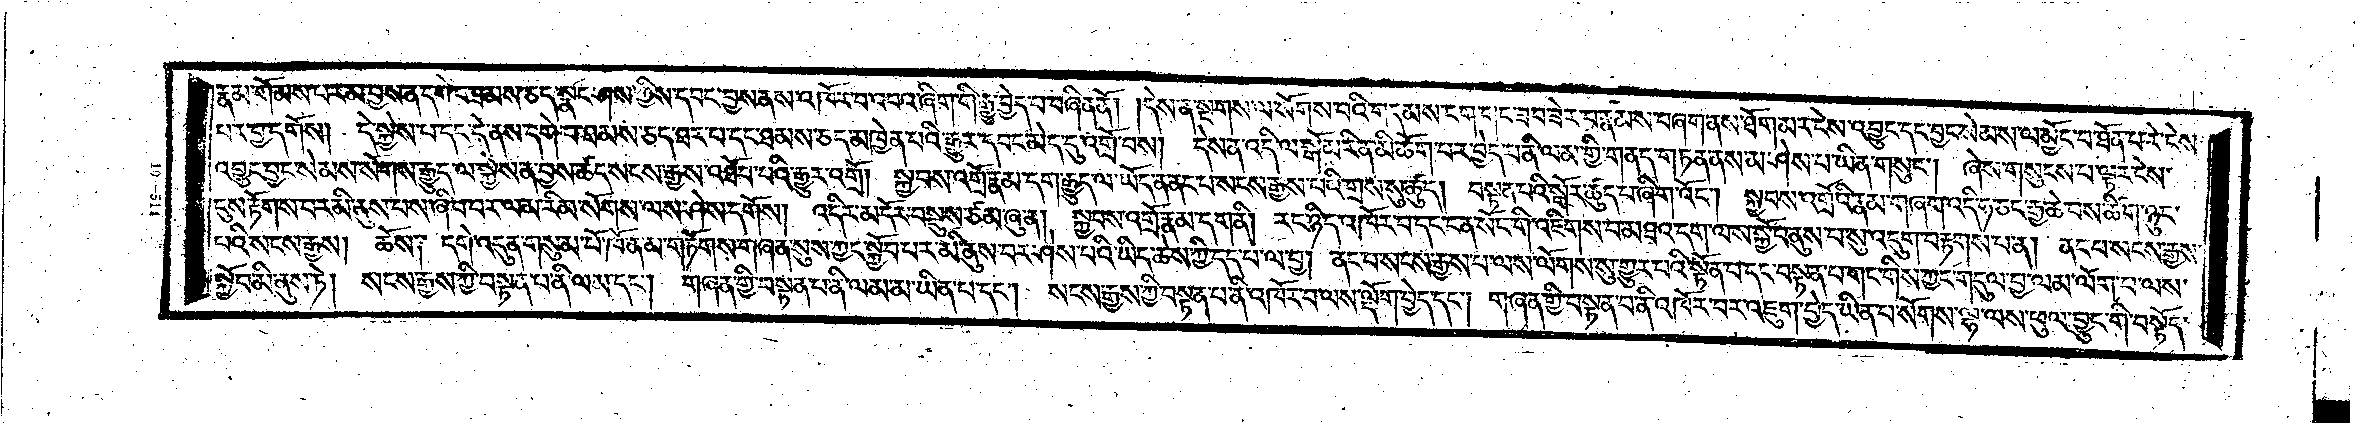རྣམ་གོམས་པར་མ་བྱས་ན་དགེ་བ་ཐམས་ཅད་སྣང་ཤས་ཀྱིས་དབང་བྱས་ནས་འཁོར་བ་འབའ་ཞིག་གི་རྒྱུ་བྱེད་པ་བཞིན་ནོ། །དེས་ན་སྔགས་ལ་སོགས་པའི་གདམས་ངག་གང་ཟ་བ་ཟེར་བ་རྣམས་བཞག་ནས་ཐོག་མར་ངེས་འབྱུང་དང་བྱང་སེམས་ལ་མྱོང་བ་ཐོན་པ་རེ་ངེས་
པར་བྱ་དགོས། དེ་སྐྱེས་པ་དང་དེ་ནས་དགེ་བ་ཐམས་ཅད་ཐར་པ་དང་ཐམས་ཅད་མཁྱེན་པའི་རྒྱུར་དབང་མེད་དུ་འགྲོ་བས། དེས་ན་འདི་ལ་སྒོམ་རིན་མི་ཆོག་པར་བྱེད་པ་ནི་ལམ་གྱི་གནད་གཏན་ནས་མ་ཤེས་པ་ཡིན་གསུང་། ཞེས་གསུངས་པ་ལྟར་ངེ་
འབྱུང་བྱང་སེམས་སོགས་རྒྱུད་ལ་སྐྱེས་ན་བྱས་ཚང་སངས་རྒྱས་འཐོབ་པའི་རྒྱུར་འགྲོ། སྐྱབས་འགྲོ་རྣམ་དག་རྒྱུད་ལ་ཡོད་ན་ནང་པ་སངས་རྒྱས་པའི་གྲས་སུ་ཚུད། བསྟན་པའི་སྒོར་ཚུད་པ་ཞིག་འོང་། སྐྱབས་འགྲོའི་རྣམ་གཞག་འདི་ཧ་ཅང་རྒྱ་ཆེ་བས་ཚིག་ཉུང་།
དུས་རྟོགས་པར་མི་ནུས་པས་ཞིབ་བར་ལམ་རིམ་སོགས་ལས་ཤེས་དགོས། འདིར་མདོར་བསྡུས་ཙམ་ཞུ་ན། སྐྱབས་འགྲོ་རྣམ་དག་ནི། རང་ཉིད་འཁོར་བ་དང་ངན་སོང་གི་འཇིགས་པ་མཐའ་དག་ལས་སྐྱོབ་ནུས་པ་སུ་འདུག་བརྟགས་པ་ན། ནང་པ་སངས་རྒྱས་
པའི་སངས་རྒྱས། ཆོས༑ དགེ་འདུན་གསུམ་པོ་ཁོ་ན་མ་གཏོགས་གཞན་སུས་ཀྱང་སྐྱོབ་པར་མི་ནུས་པར་ཤེས་པའི་ཡིད་ཆེས་ཀྱི་དད་པ་ལ་བྱ། ནང་པ་སངས་རྒྱས་པ་ལས་ལོགས་སུ་གྱུར་པའི་སྟོན་པ་དང་བསྟན་པ་གང་གིས་ཀྱང་གདུལ་བྱ་ལམ་ལོག་པ་ལས་
སྐྱོབ་མི་ནུས་ཏེ། སངས་རྒྱས་ཀྱི་བསྟན་པ་ནི་ལམ་དང་། གཞན་གྱི་བསྟན་པ་ནི་ལམ་མ་ཡིན་པ་དང་། སངས་རྒྱས་ཀྱི་བསྟན་པ་ནི་འཁོར་བ་ལས་ལྡོག་བྱེད་དང་། གཞན་གྱི་བསྟན་པ་ནི་འཁོར་བར་འཇུག་བྱེད་ཡིན་པ་སོགས་ལྷ་ལས་ཕུལ་བྱུང་གི་བསྟོད་